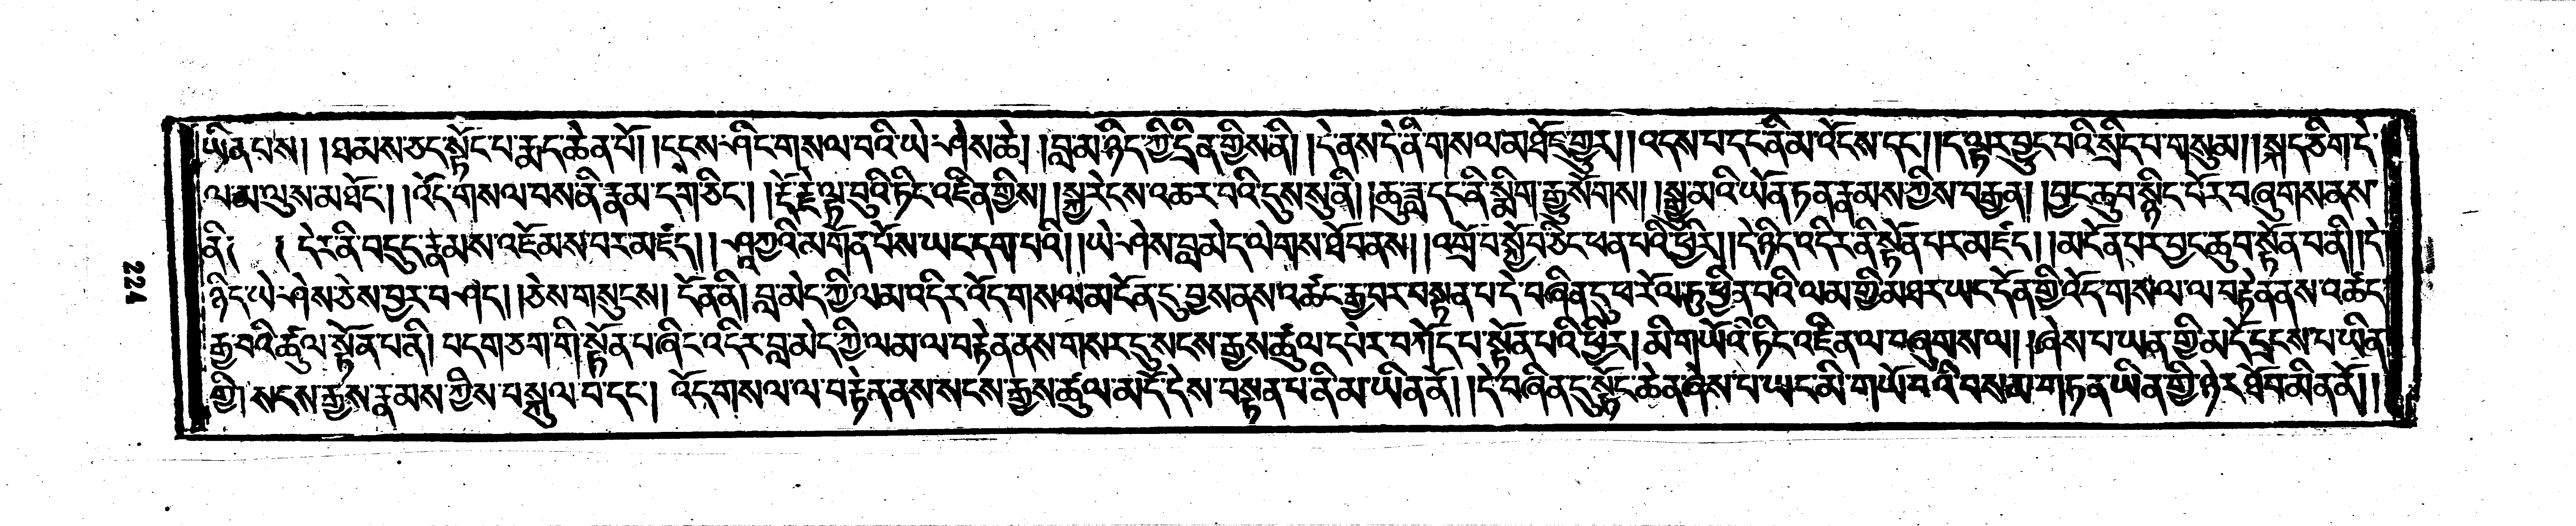ཡིན་པས། །ཐམས་ཅད་སྟོང་པ་རྨད་ཆེན་པོ། །དྭངས་ཤིང་གསལ་བའི་ཡེ་ཤེས་ཆེ། །བླ་མ་ཉིད་ཀྱི་དྲིན་གྱིས་ནི། །དེ་ནས་དེ་ནི་གསལ་མཐོང་གྱུར། །འདས་པ་དང་ནི་མ་འོངས་དང་། །ད་ལྟར་བྱུང་བའི་སྲིད་པ་གསུམ། །སྐད་ཅིག་དེ་
ལ་མ་ལུས་མཐོང་། །འོད་གསལ་བས་ནི་རྣམ་དག་ཅིང་། །རྡོ་རྗེ་ལྟ་བུའི་ཏིང་འཛིན་གྱིས། །སྐྱ་རེངས་འཆར་བའི་དུས་སུ་ནི། །ཆུ་ཟླ་དང་ནི་སྨིག་རྒྱུ་སོགས། །སྒྱུ་མའི་ཡོན་ཏན་རྣམས་ཀྱིས་བརྒྱན། །བྱང་ཆུབ་སྙིང་པོར་བཞུགས་ནས་
ནི། །དེར་ནི་བདུད་རྣམས་འཇོམས་པར་མཛད། །ཤཱཀྱའི་མགོན་པོས་ཡང་དག་པའི། །ཡེ་ཤེས་བླ་མེད་ལེགས་ཐོབ་ནས། །འགྲོ་བ་སྐྱོབ་ཅིང་ཕན་པའི་ཕྱིར། །དེ་ཉིད་འདིར་ནི་སྟོན་པར་མཛད། །མངོན་པར་བྱང་ཆུབ་སྟོན་པ་ནི། །དེ་
ཉིད་ཡེ་ཤེས་ཅེས་བྱར་བཤད། །ཅེས་གསུངས། དོན་ནི། བླ་མེད་ཀྱི་ལམ་འདིར་འོད་གསལ་མངོན་དུ་བྱས་ནས་འཚང་རྒྱ་བར་བསྟན་པ་དེ་བཞིན་དུ་ཕ་རོལ་ཏུ་ཕྱིན་པའི་ལམ་གྱི་མཐར་ཡང་དོན་གྱི་འོད་གསལ་ལ་བརྟེན་ནས་འཚང་
རྒྱ་བའི་ཚུལ་སྟོན་པ་ནི། བདག་ཅག་གི་སྟོན་པ་ཞིང་འདིར་བླ་མེད་ཀྱི་ལམ་ལ་བརྟེན་ནས་གསར་དུ་སངས་རྒྱས་ཚུལ་དཔེར་བཀོད་པ་སྟོན་པའི་ཕྱིར། མི་གཡོའི་ཏིང་འཛིན་ལ་བཞུགས་ལ། །ཞེས་པ་ཡན་གྱི་མདོ་དྲངས་པ་ཡིན་
གྱི། སངས་རྒྱས་རྣམས་ཀྱིས་བསྐུལ་བ་དང་། འོད་གསལ་ལ་བརྟེན་ནས་སངས་རྒྱས་ཚུལ་མདོ་དེས་བསྟན་པ་ནི་མ་ཡིན་ནོ། །དེ་བཞིན་དུ་སྟོང་ཆེན་ཞེས་པ་ཡང་མི་གཡོ་བའི་བསམ་གཏན་ཡིན་གྱི་ཉེར་ཐོབ་མིན་ནོ།།